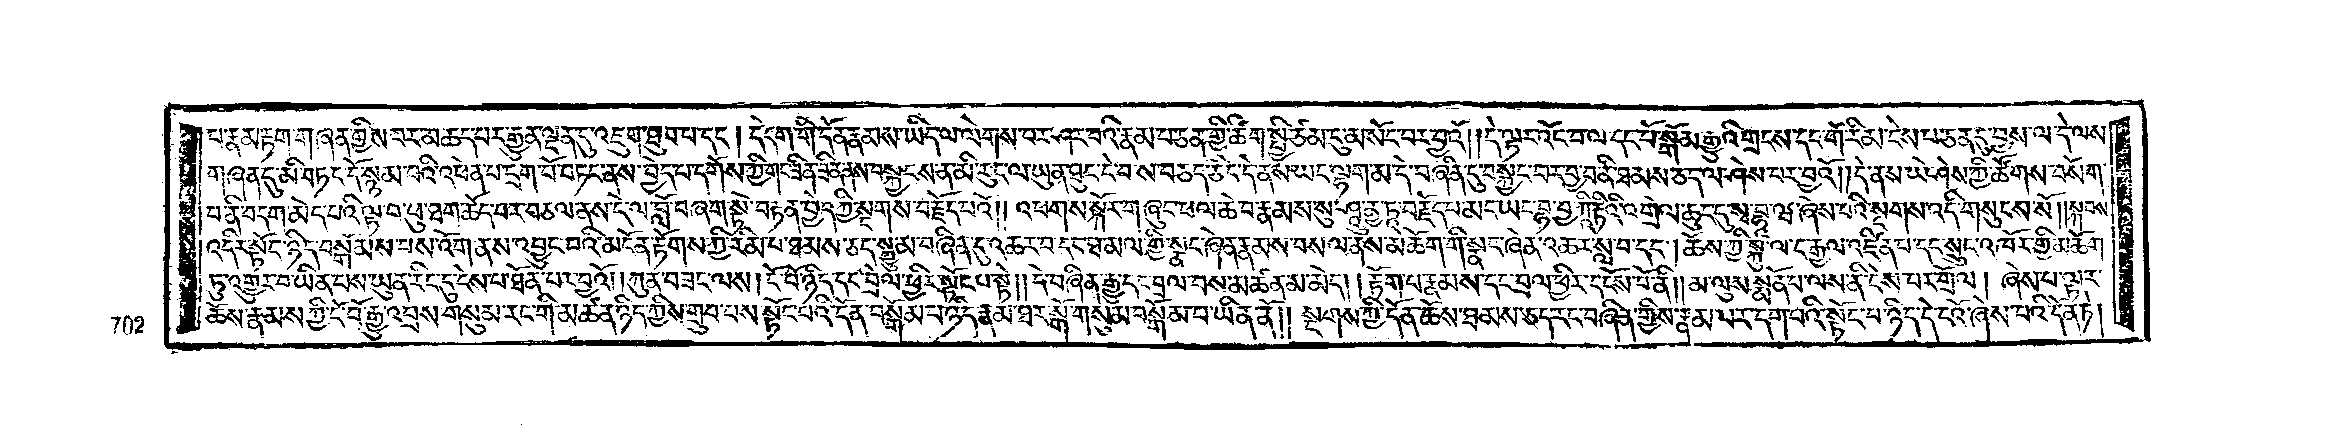པ་རྣམ་རྟག་གཞན་གྱིས་བར་མ་ཆད་པར་རྒྱུན་ལྡན་དུ་འཇུག་ཐུབ་པ་དང་། དེ་དག་གི་དོན་རྣམས་ཡིད་ལ་ལེགས་པར་ཤར་བའི་རྣམ་པ་ཅན་གྱི་ཚིག་སྤྱི་ཙམ་དུ་མ་སོང་བར་བྱའོ། །དེ་ལྟར་འོང་བ་ལ་དང་པོ་སྒོམ་རྒྱུའི་གྲངས་དང་གོ་རིམ་ངེས་པ་ཅན་དུ་བྱས་ལ་དེ་ལས་
གཞན་དུ་མི་བཏང་དོ་སྙམ་པའི་འཕེན་པ་དྲག་པོ་བཏང་ནས་བྱེད་པ་དགོས་ཀྱི་གང་ཟིན་ཟིན་ནས་བསྐྱངས་ན་མི་རུང་ལ་ཡུན་ཐུང་དེ་བ་ས་བཅད་ཅིང་དེ་ནས་ཡང་ལྷག་མ་དེ་བཞིན་དུ་བསྐྱང་བར་བྱ་བ་ནི་ཐམས་ཅད་ལ་ཤེས་པར་བྱའོ། །དེ་ནས་ཡེ་ཤེས་ཀྱི་ཚོགས་བསོག་
པ་ནི་བདག་མེད་པའི་ལྟ་བ་ཕུ་ཐག་ཚད་པར་བཅལ་ནས་དེ་ལ་བློ་བཞག་སྟེ་བརྟན་བྱེད་ཀྱི་སྔགས་བརྗོད་པའོ། །འཕགས་སྐོར་གཞུང་ཕལ་ཆེ་བ་རྣམས་སུ་ཤཱུ་ནྱ་ཏཱ་བརྗོད་པ་མང་ཡང་བྷ་བྱ་ཀཱི་རྟིའི་འགྲེལ་ཆུང་ངུ་སྭ་བྷཱ་ཝ་ཞེས་པའི་སྔགས་འདི་གསུངས་སོ། །སྐབས་
འདིར་སྟོང་ཉིད་བསྒོམས་པས་འོག་ནས་འབྱུང་བའི་མངོན་རྟོགས་ཀྱི་རིམ་པ་ཐམས་ཅད་སྒྱུ་མ་བཞིན་དུ་འཆར་བ་དང་ཐ་མལ་ཀྱི་སྣང་ཞེན་རྣམས་བསལ་ནས་མཆོག་གི་སྣང་ཞེན་འཆར་སླ་བ་དང་། ཆོས་ཀྱི་སྐུ་ལ་ང་རྒྱལ་འཛིན་པ་དང་སྲུང་འཁོར་གྱི་མཆོག་
ཏུ་འགྱུར་བ་ཡིན་པས་ཡུན་རིང་དུ་ངེས་པ་ཐོན་པར་བྱའོ། །ཀུན་བཟང་ལས། ངོ་བོ་ཉིད་དང་བྲེལ་ཕྱིར་སྟོང་པ་སྟེ། །དེ་བཞིན་རྒྱུ་དང་བྲལ་བས་མཚན་མ་མེད། །རྟོག་པ་རྣམས་དང་བྲལ་ཕྱིར་དངོས་པོ་ནི། །མ་ལུས་སྨོན་པ་ལས་ནི་ངེས་པར་གྲོལ། ཞེས་པ་ལྟར་
ཆོས་རྣམས་ཀྱི་ངོ་བོ་རྒྱུ་འབྲས་གསུམ་རང་གི་མཚན་ཉིད་ཀྱིས་གྲུབ་པས་སྟོང་པའི་དོན་བསྒོམ་པ་ཉིད་རྣམ་ཐར་སྒོ་གསུམ་བསྒོམ་པ་ཡིན་ནོ། །སྔགས་ཀྱི་དོན་ཆོས་ཐམས་ཅད་རང་བཞིན་གྱིས་རྣམ་པར་དག་པའི་སྟོང་པ་ཉིད་དེ་ངའོ་ཞེས་པའི་དོན་ཏེ།